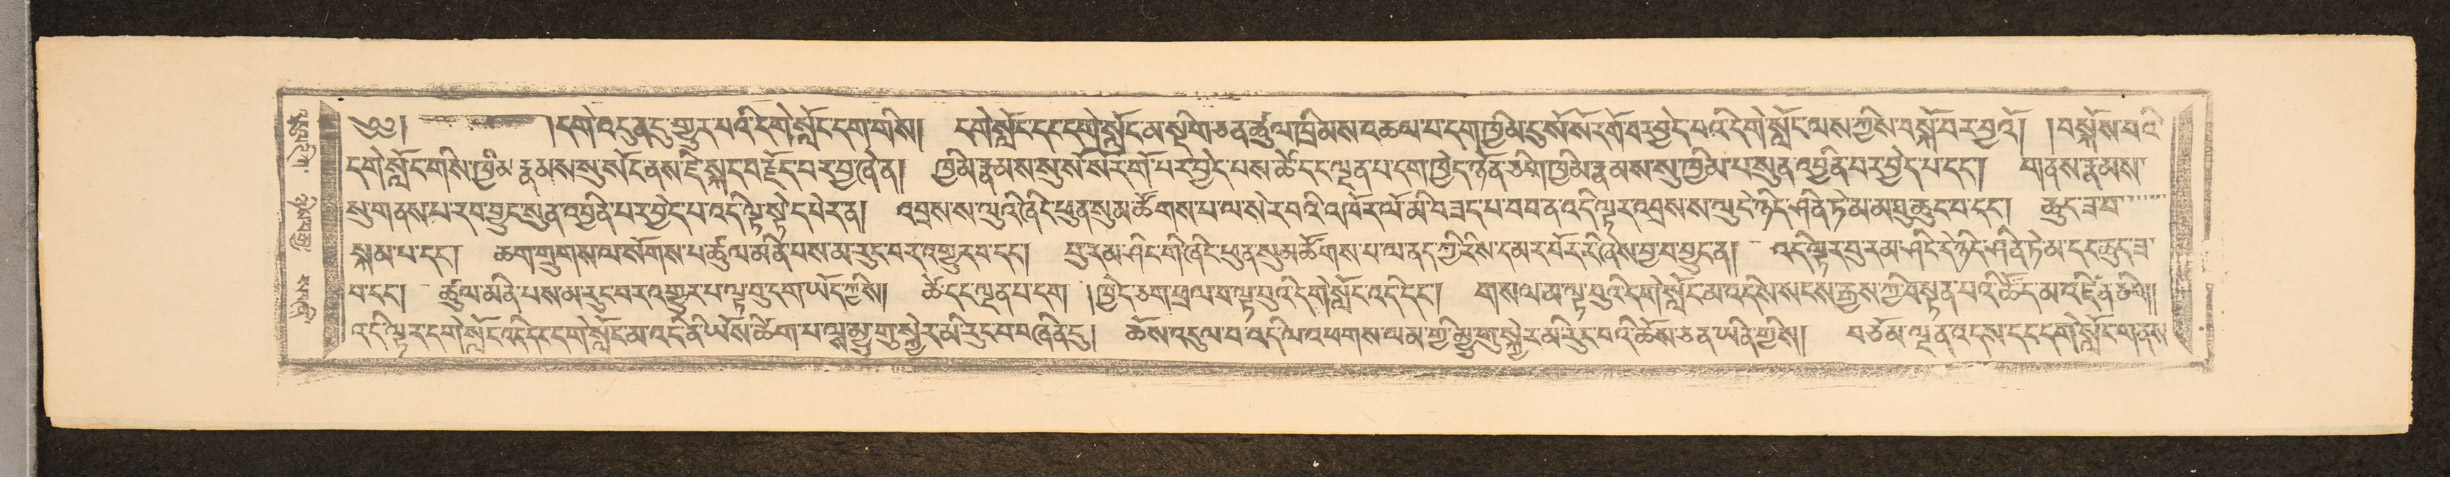༄༅། །དགེ་འདུན་དུ་གྱུར་བའི་དགེ་སློང་དག་གིས། དགེ་སློང་དང་དགེ་སློང་མ་སྡིག་ཅན་ཚུལ་ཁྲིམས་འཆལ་བ་དག་ཁྱིམ་དུ་སོ་སོར་གོ་བར་བྱེད་པའི་དགེ་སློང་ལས་ཀྱིས་བསྐོ་བར་བྱའོ། །བསྐོས་བའི་
དགེ་སློང་གིས་ཁྱིམ་རྣམས་སུ་སོང་ནས་ཇི་སྐད་བརྗོད་བར་བྱ་ཞེ་ན། ཁྱིམ་རྣམས་སུ་སོ་སོར་གོ་བར་བྱེད་པས་ཚེ་དང་ལྡན་པ་དག་ཁྱེད་ཉོན་ཅིག་ཁྱིམ་རྣམས་སུ་ཁྱིམ་བསུན་འབྱིན་པར་བྱེད་བ་དང་། གནས་རྣམས་
སུ་གནས་པ་རབ་བྱུང་སུན་འབྱིན་པར་བྱེད་པ་འདི་ལྟ་སྟེ་དཔེར་ན། འབྲས་ས་ལུའི་ཞིང་ཕུན་སུམ་ཚོགས་བ་ལ་སེར་བའི་འཁོར་ལོ་མི་བཟད་བ་བབ་ན་འདི་ལྟར་འབྲས་ས་ལུ་དེ་ཉིད་ཤིན་ཏེ་མ་མཐུ་ཆུང་བ་དང་། ཆུད་ཟ་བ་
སྐམ་པ་དང་། ཆག་གྲུགས་ལ་སོགས་བ་ཚུལ་མིན་བས་མ་རུང་བར་འགྱུར་བ་དང་། བུ་རམ་ཤིང་གི་ཞིང་ཕུན་སུམ་ཚོགས་པ་ལ་ནད་ཀྱི་རིས་དམར་པོར་རི་ཞེས་བྱ་བ་བྱུང་ན། འདི་ལྟར་བུ་རམ་ཤིང་དེ་ཉིད་ཤིན་ཏེ་མ་དང་ཆུད་ཟ་
བ་དང་། ཚུལ་མིན་པས་མ་རུང་བར་འགྱུར་བ་ལྟ་བུ་དག་ཡོད་ཀྱིས། ཚེ་དང་ལྡན་པ་དང་། །ཁྱེད་ཅག་ཕྲལ་བ་ལྟ་བུའི་དགེ་སློང་འདི་དང་། གསལ་མ་ལྟ་བུའི་དགེ་སློང་མ་འདིས་སངས་རྒྱས་ཀྱི་བསྟན་པའི་ཚོད་མ་འཛིན་ཅིག།
འདི་ལྟར་དགེ་སློང་འདི་དང་དགེ་སློང་མ་འདི་ནི་ཡོས་ཚིག་པ་ལས་མྱུ་གུ་སྐྱེར་མི་རུང་བ་བཞིན་དུ། ཆོས་འདུལ་བ་འདི་ལ་འཕགས་ལམ་གྱི་མྱུ་གུ་སྐྱེར་མི་རུང་བའི་ཆོས་ཅན་ཡིན་གྱིས། བཅོམ་ལྡན་འདས་དང་དགེ་སློང་གནས་